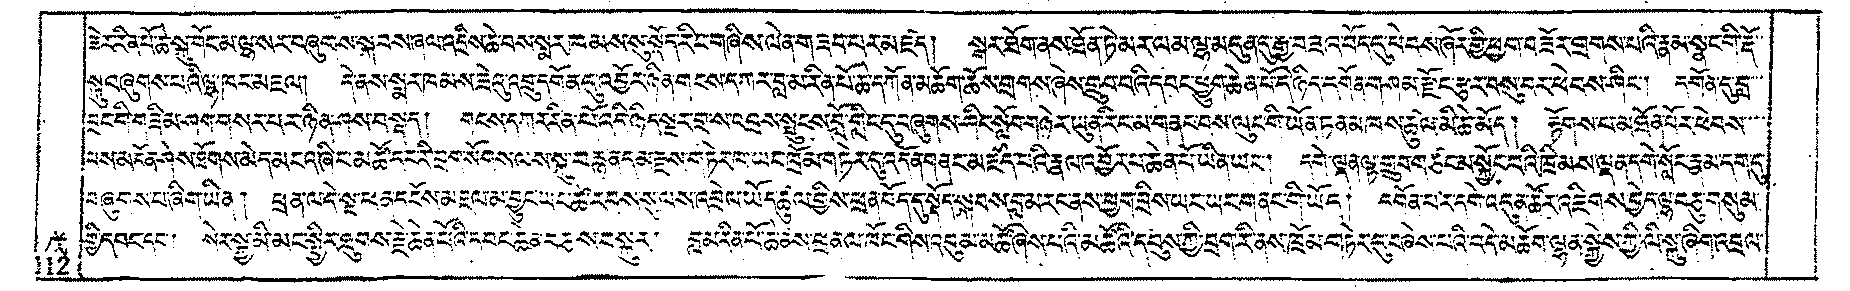ཟེར་རིན་པོ་ཆེ་སྐུ་གོང་མ་ལྷ་སར་བཞུགས་སྐབས་ཞལ་འདྲིས་ཆེ་བས་སྨར་ཁམས་སུ་སྡོད་རིང་གཞིས་ལེན་གཟབ་པར་མཛད། སྒར་ཐོག་ནས་ཐོན་ཏེ་མར་ལམ་ལྷ་མདུན་དུ་རྒྱ་བཟའ་བོད་དུ་ཕེབས་ཞོར་གྱི་ཕྱག་བཟོར་གྲགས་པའི་རྣམ་སྣང་གི་རྡོ་
སྐུ་བཞུགས་པའི་ལྷ་ཁང་མཇལ། དེ་ནས་སྨར་ཁམས་ཟེའུ་འབྲུ་དགོན་དུ་འབྱོར་ཉིན་གངས་དཀར་བླ་མ་རིན་པོ་ཆེ་དཀོན་མཆོག་ཆོས་གྲགས་ཞེས་གྲུབ་པའི་དབང་ཕྱུག་ཆེན་པོ་དེ་ཉིད་དགོན་གཤམ་རྫོང་རྩར་བསུ་བར་ཕེབས་ཤིང་། དགོན་དུ་བླ་
བྲང་གི་གཟིམ་ཤག་གསར་པར་ཉིན་ཤས་བསྡད། གངས་དཀར་རིན་པོ་འདི་ཉིད་སྔར་གྲ་ས་འབྲས་སྤུངས་བློ་གླིང་དུ་བཞུགས་ཤིང་སློབ་གཉེར་ཡུན་རིང་མ་གནང་བས་ལུང་གི་ཡོན་ཏན་མཁས་ཚུལ་མི་ཆེ་མོད། རྟོགས་པ་མཐོན་པོར་ཕེབས་
པས་མངོན་ཤེས་ཐོགས་མེད་མངའ་ཞིང་མཚོ་དང་རི་བྲག་སོགས་ལས་སྐུ་བརྙན་དམ་རྫས་གཏེར་ཁ་ཡང་ཁྲོམ་གཏེར་དུ་འདོན་གནང་མཛད་པའི་རྣལ་འབྱོར་པ་ཆེན་པོ་ཡིན་ཡང་། དགེ་ལྡན་ལྟ་གྲུབ་གཙང་མ་སྐྱོང་བའི་ཁྲིམས་ལྡན་དགེ་སློང་རྣམ་དག་དུ་
བཞུགས་པ་ཞིག་ཡིན། ཕྲན་ལ་དེ་སྔ་ཕན་དངོས་མཇལ་མ་བྱུང་ཡང་ཚེ་རབས་སུ་ལས་འབྲེལ་ཡོད་ཚུལ་གྱིས་ཕྲན་བོད་དུ་སྡོད་སྐབས་བླ་མ་རང་ནས་ཕྱག་བྲིས་ཡང་ཡང་གནང་གི་ཡོད། དགོན་པར་དགེ་འདུན་ཚོར་འཇིགས་བྱེད་ལྷ་བཅུ་གསུམ་
གྱི་དབང་དང་། སེར་སྐྱ་མི་མང་སྤྱིར་ཐུགས་རྗེ་ཆེན་པོའི་དབང་ཆེན་བཅས་བསྐུར། བླ་མ་རིན་པོ་ཆེ་ནས་ཕྲན་ལ་ཁོང་གིས་འབུམ་མཚོ་ཞེས་པའི་མཚོའི་དབུས་ཀྱི་བྲག་རི་ནས་ཁྲོམ་གཏེར་དུ་བཞེས་པའི་བདེ་མཆོག་ལྷན་སྐྱེས་ཀྱི་ལི་སྐུ་ཞིག་འབྲལ་